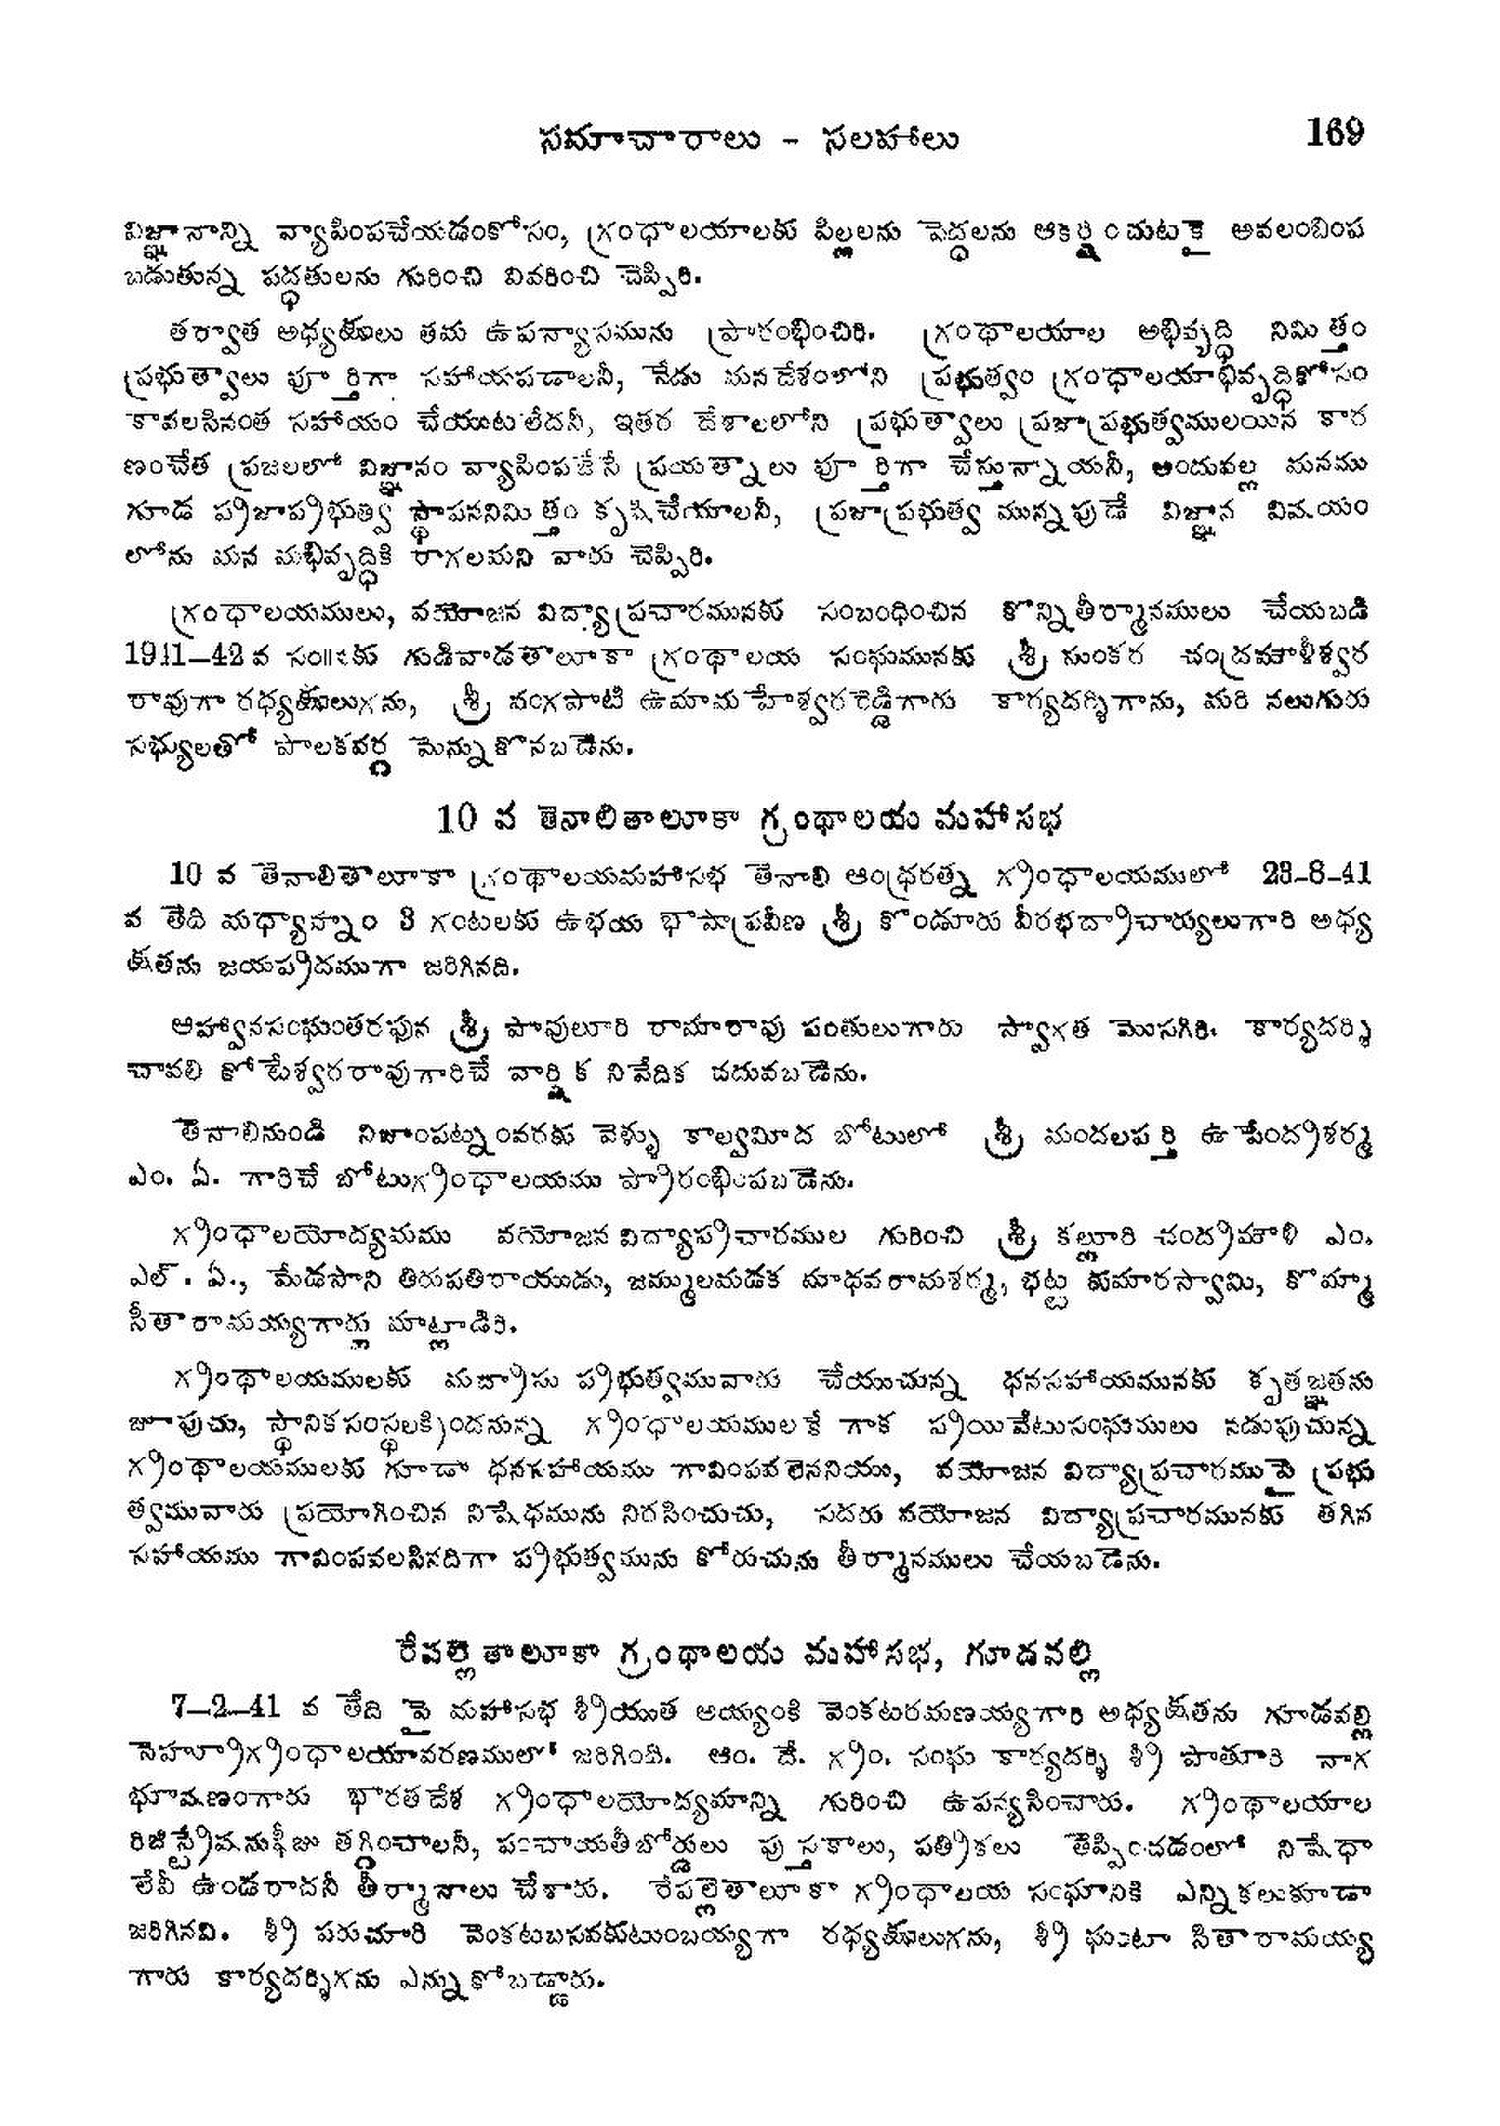విజ్ఞానాన్ని వ్యాపింపచేయడంకోసం, గ్రంధాలయాలకు పిల్లలను పెద్దలను ఆకర్షించుటకై అవలంబింపబడుతున్న పద్దతులను 
గురించి వివరించి చెప్పిరి.

తర్వాత అధ్యక్షులు తమ ఉపన్యాసమును ప్రారంభించిరి. గ్రంథాలయాల అభివృద్ధి నిమిత్తం ప్రభుత్వాలు పూర్తిగా సహాయపడాలనీ, 
నేడు మన దేశంలోని ప్రభుత్వం గ్రంధాలయాభివృద్ధికోసం కావలసినంత సహాయం చేయుట లేదనీ, ఇతర దేశాలలోని ప్రభుత్వాలు
ప్రజా ప్రభుత్వములయిన కారణంచేత ప్రజలలో విజ్ఞానం వ్యాపింపజేసే ప్రయత్నాలు పూర్తిగా చేస్తున్నాయనీ, అందువల్ల మనము
గూడ ప్రజాప్రభుత్వ స్థాపననిమిత్తం కృషిచేయాలనీ, ప్రజాప్రభుత్వ మున్నపుడే విజ్ఞాన విషయంలోను మన మభివృద్ధికి రాగలమని 
వారు చెప్పిరి.

గ్రంధాలయములు, వయోజన విద్యాప్రచారమునకు సంబంధించిన కొన్ని తీర్మానములు చేయబడి 1941-42వ సం||రకు గుడివాడ 
తాలూకా గ్రంథాలయ సంఘమునకు శ్రీ సుంకర చంద్రమౌళీశ్వరరావుగా రధ్యక్షులుగను, శ్రీ వంగపాటి ఉమామహేశ్వరరెడ్డి గారు కార్యదర్శిగాను, మరి నలుగురు సభ్యులతో పాలకవర్గ మెన్నుకొనబడేను.

10 వ తెనాలి తాలూకా గ్రంథాలయమహాసభ తెనాలి ఆంధ్రరత్న గ్రంధాలయములో 23-8-41 వ తేదీ మధ్యాహ్నం 3 గంటలకు 
ఉభయ భాషాప్రవీణ శ్రీ కొండూరు వీరభద్రాచార్యులు గారి అధ్యక్షతను జయప్రదముగా జరిగినది.

ఆహ్వాన సంఘం తరఫున శ్రీ పావులూరి రామారావు పంతులుగారు స్వాగత మొసగిరి. కార్యదర్శి చావలి కోటేశ్వరరావుగారిచే వార్షిక
నివేదిక చదువబడేను.

తెనాలి నుండి నిజాంపట్నంవరకు వెళ్ళు కాల్వమీద బోటులో శ్రీ మందలపర్తి ఉపేంద్రశర్మ ఎం. ఏ. గారిచే బోటుగ్రంధాలయము ప్రారంభింపబడెను.

గ్రంధాలయోద్యమము వయోజన విద్యాప్రచారముల గురించి శ్రీ కల్లూరి చంద్రమౌళీ ఎం.ఎల్. ఏ., మేడసొని తిరుపతిరాయుడు, జమ్ములమడక మాధవరామశర్మ, భట్ట కుమారస్వామి, కొమ్మా సీతారామయ్యగార్లు మాట్లాడిరి.

గ్రంథాలయములకు మద్రాసు ప్రభుత్వమువారు చేయుచున్న ధనసహాయమునకు కృతఙ్ఞతను జూపుచు, స్థానిక సంస్థలకిందనున్న గ్రంధాలయములకే గాక స్ట్రయివేటు సంఘములు నడుపుచున్న గ్రంథాలయములకు గూడా ధనసహాయము గావింపవలెననియు, 
వయోజన విద్యాప్రచారముపై ప్రభుత్వమువారు ప్రయోగించిన నిషేధమును నిరసించుచు, సదరు వయోజన విద్యాప్రచారమునకు 
తగిన సహాయము గావింపవలసినదిగా ప్రభుత్వమును కోరుచును తీర్మానములు చేయబడెను.

7–2–41 వ తేది పై మహాసభ శ్రీయుత అయ్యంకి వెంకటరమణయ్యగారి అధ్యక్షతను గూడవల్లి నెహ్రూగ్రంధాలయావరణములో 
జరిగింది. ఆం.దే.గ్రం. సంఘ కార్యదర్శి శ్రీ పాతూరి నాగభూషణంగారు భారతదేశ గ్రంధాలయోద్యమాన్ని గురించి ఉపన్యసించారు. గ్రంథాలయాల రిజిస్ట్రేషను ఫీజు తగ్గించాలనీ, పంచాయతీబోర్డులు పుస్తకాలు, పత్రికలు తెప్పించడంలో నిషేధా
లేవీ ఉండరాదనీ తీర్మానాలు చేశారు. రేపల్లెతాలూకా గ్రంధాలయ సంఘానికి ఎన్నికలుకూడా జరిగినది. శ్రీ పరుచూరి వెంకటబసవకుటుంబయ్యగా రధ్యక్షులుగను, శ్రీ ఘంటా సీతారామయ్య గారు కార్యదర్శిగను ఎన్నుకోబడ్డారు.